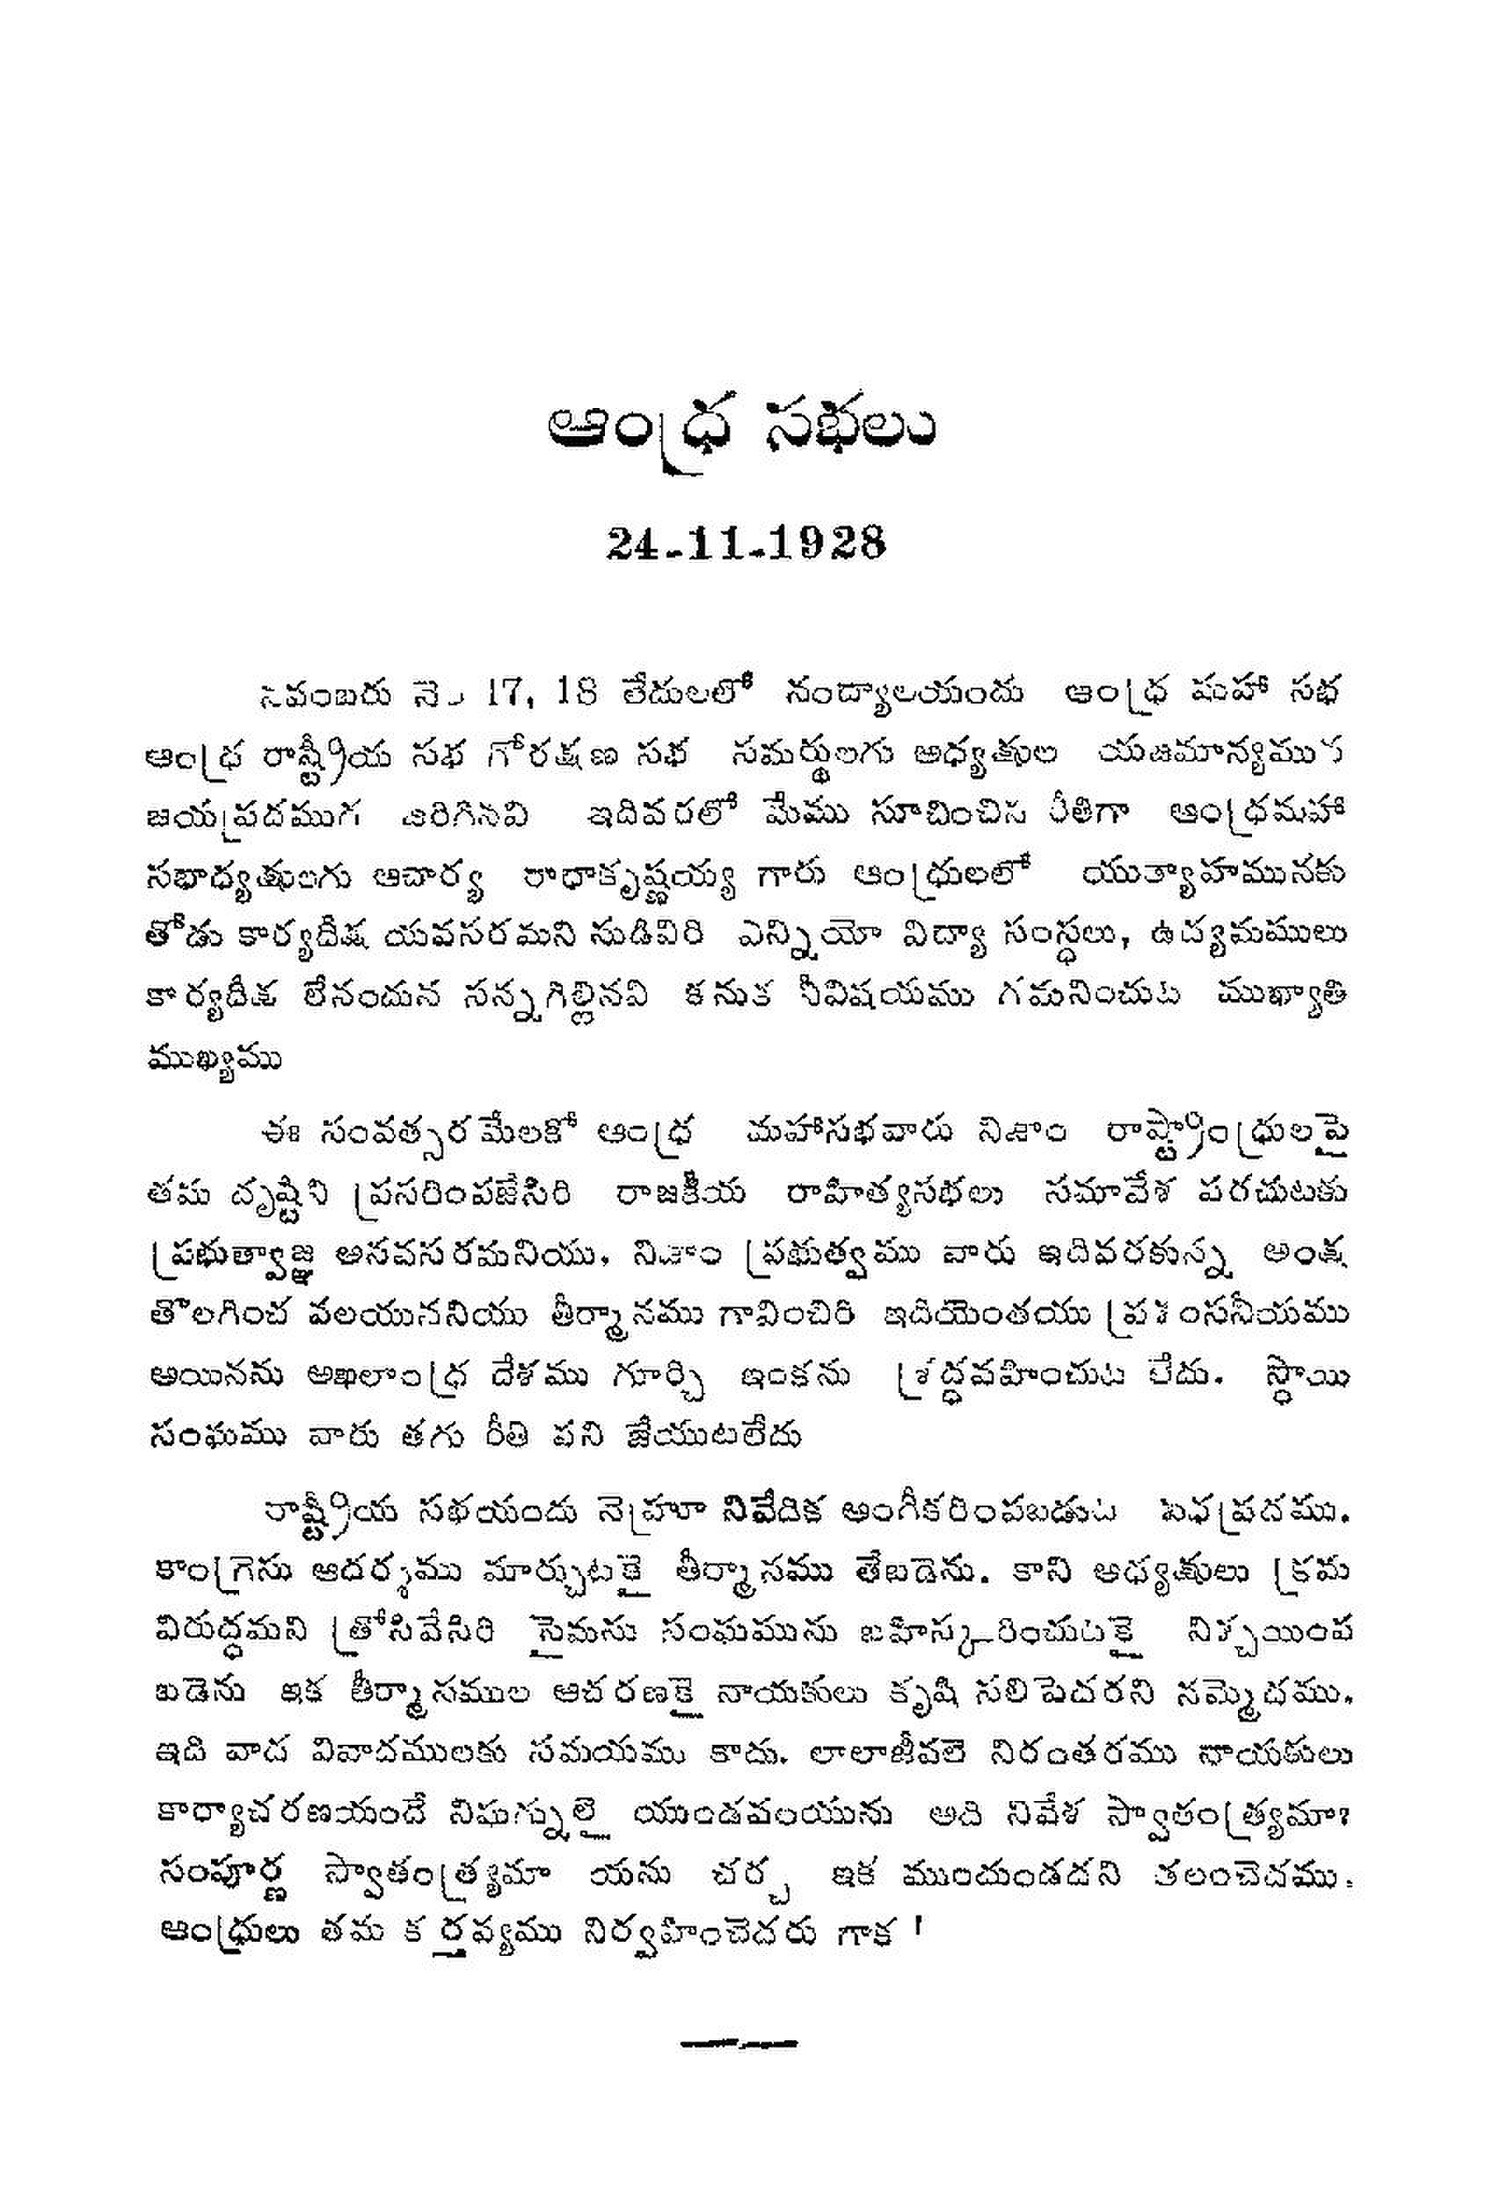ఆంధ్ర సభలు

24 - 11 - 1928

నవంబరు నెల 17, 18 తేదులలో నంద్యాలయందు ఆంధ్ర మహా సభ ఆంధ్ర రాష్ట్రీయ సభ గోరక్షణ సభ సమర్థులగు అధ్యక్షుల యాజమాన్యమున జయప్రదముగ జరిగినవి ఇదివరలో మేము సూచించిన రీతిగా ఆంధ్రమహా
సభాధ్యక్షులగు ఆచార్య రాధాకృష్ణయ్య గారు ఆంధ్రులలో యుత్సాహమునకు తోడు కార్యదీక్ష యవసరమని నుడివిరి ఎన్నియో విద్యా సంస్థలు, ఉద్యమములు కార్యదీక్ష, లేనందున సన్నగిల్లినవి కనుక నీవిషయము గమనించుట ముఖ్యాతి ముఖ్యము

ఈ సంవత్సర మేలకో ఆంధ్ర మహాసభవారు నిజాం రాష్ట్రాంధ్రులపై తమ దృష్టిని ప్రసరింపజేసిరి రాజకీయ రాహిత్యసభలు సమావేశ పరచుటకు ప్రభుత్వాజ్ఞ అనవసరమనియు, నిజాం ప్రభుత్వము వారు ఇదివరకున్న అంక్ష
తొలగించ వలయుననియు తీర్మానము గావించిరి ఇదియెంతయు ప్రశంసనీయము అయినను అఖిలాంధ్ర దేశము గూర్చి ఇంకను శ్రద్ధవహించుట లేదు. స్థాయి సంఘము వారు తగు రీతి పని జేయుటలేదు

రాష్ట్రీయ సభయందు నెహ్రూ నివేదిక అంగీకరింపబడుట శుభప్రదము. కాంగ్రెసు ఆదర్శము మార్చుటకై తీర్మానము తేబడెను. కాని అధ్యక్షులు క్రమ విరుద్ధమని త్రోసివేసిరి సైమను సంఘమును బహిస్కరించుటకై నిశ్చయింప బడెను ఇక తీర్మానముల ఆచరణకై నాయకులు కృషి సలిపెదరని నమ్మెదము. ఇది వాద వివాదములకు సమయము కాదు. లాలాజీవలె నిరంతరము నాయకులు కార్యాచరణయందే నిమగ్నులై యుండవలయును అది నివేశ స్వాతంత్ర్యమా? సంపూర్ణ స్వాతంత్ర్యమా యను చర్చ ఇక ముందుండదని తలంచెదము. ఆంధ్రులు తమ కర్తవ్యము నిర్వహించెదరు గాక !